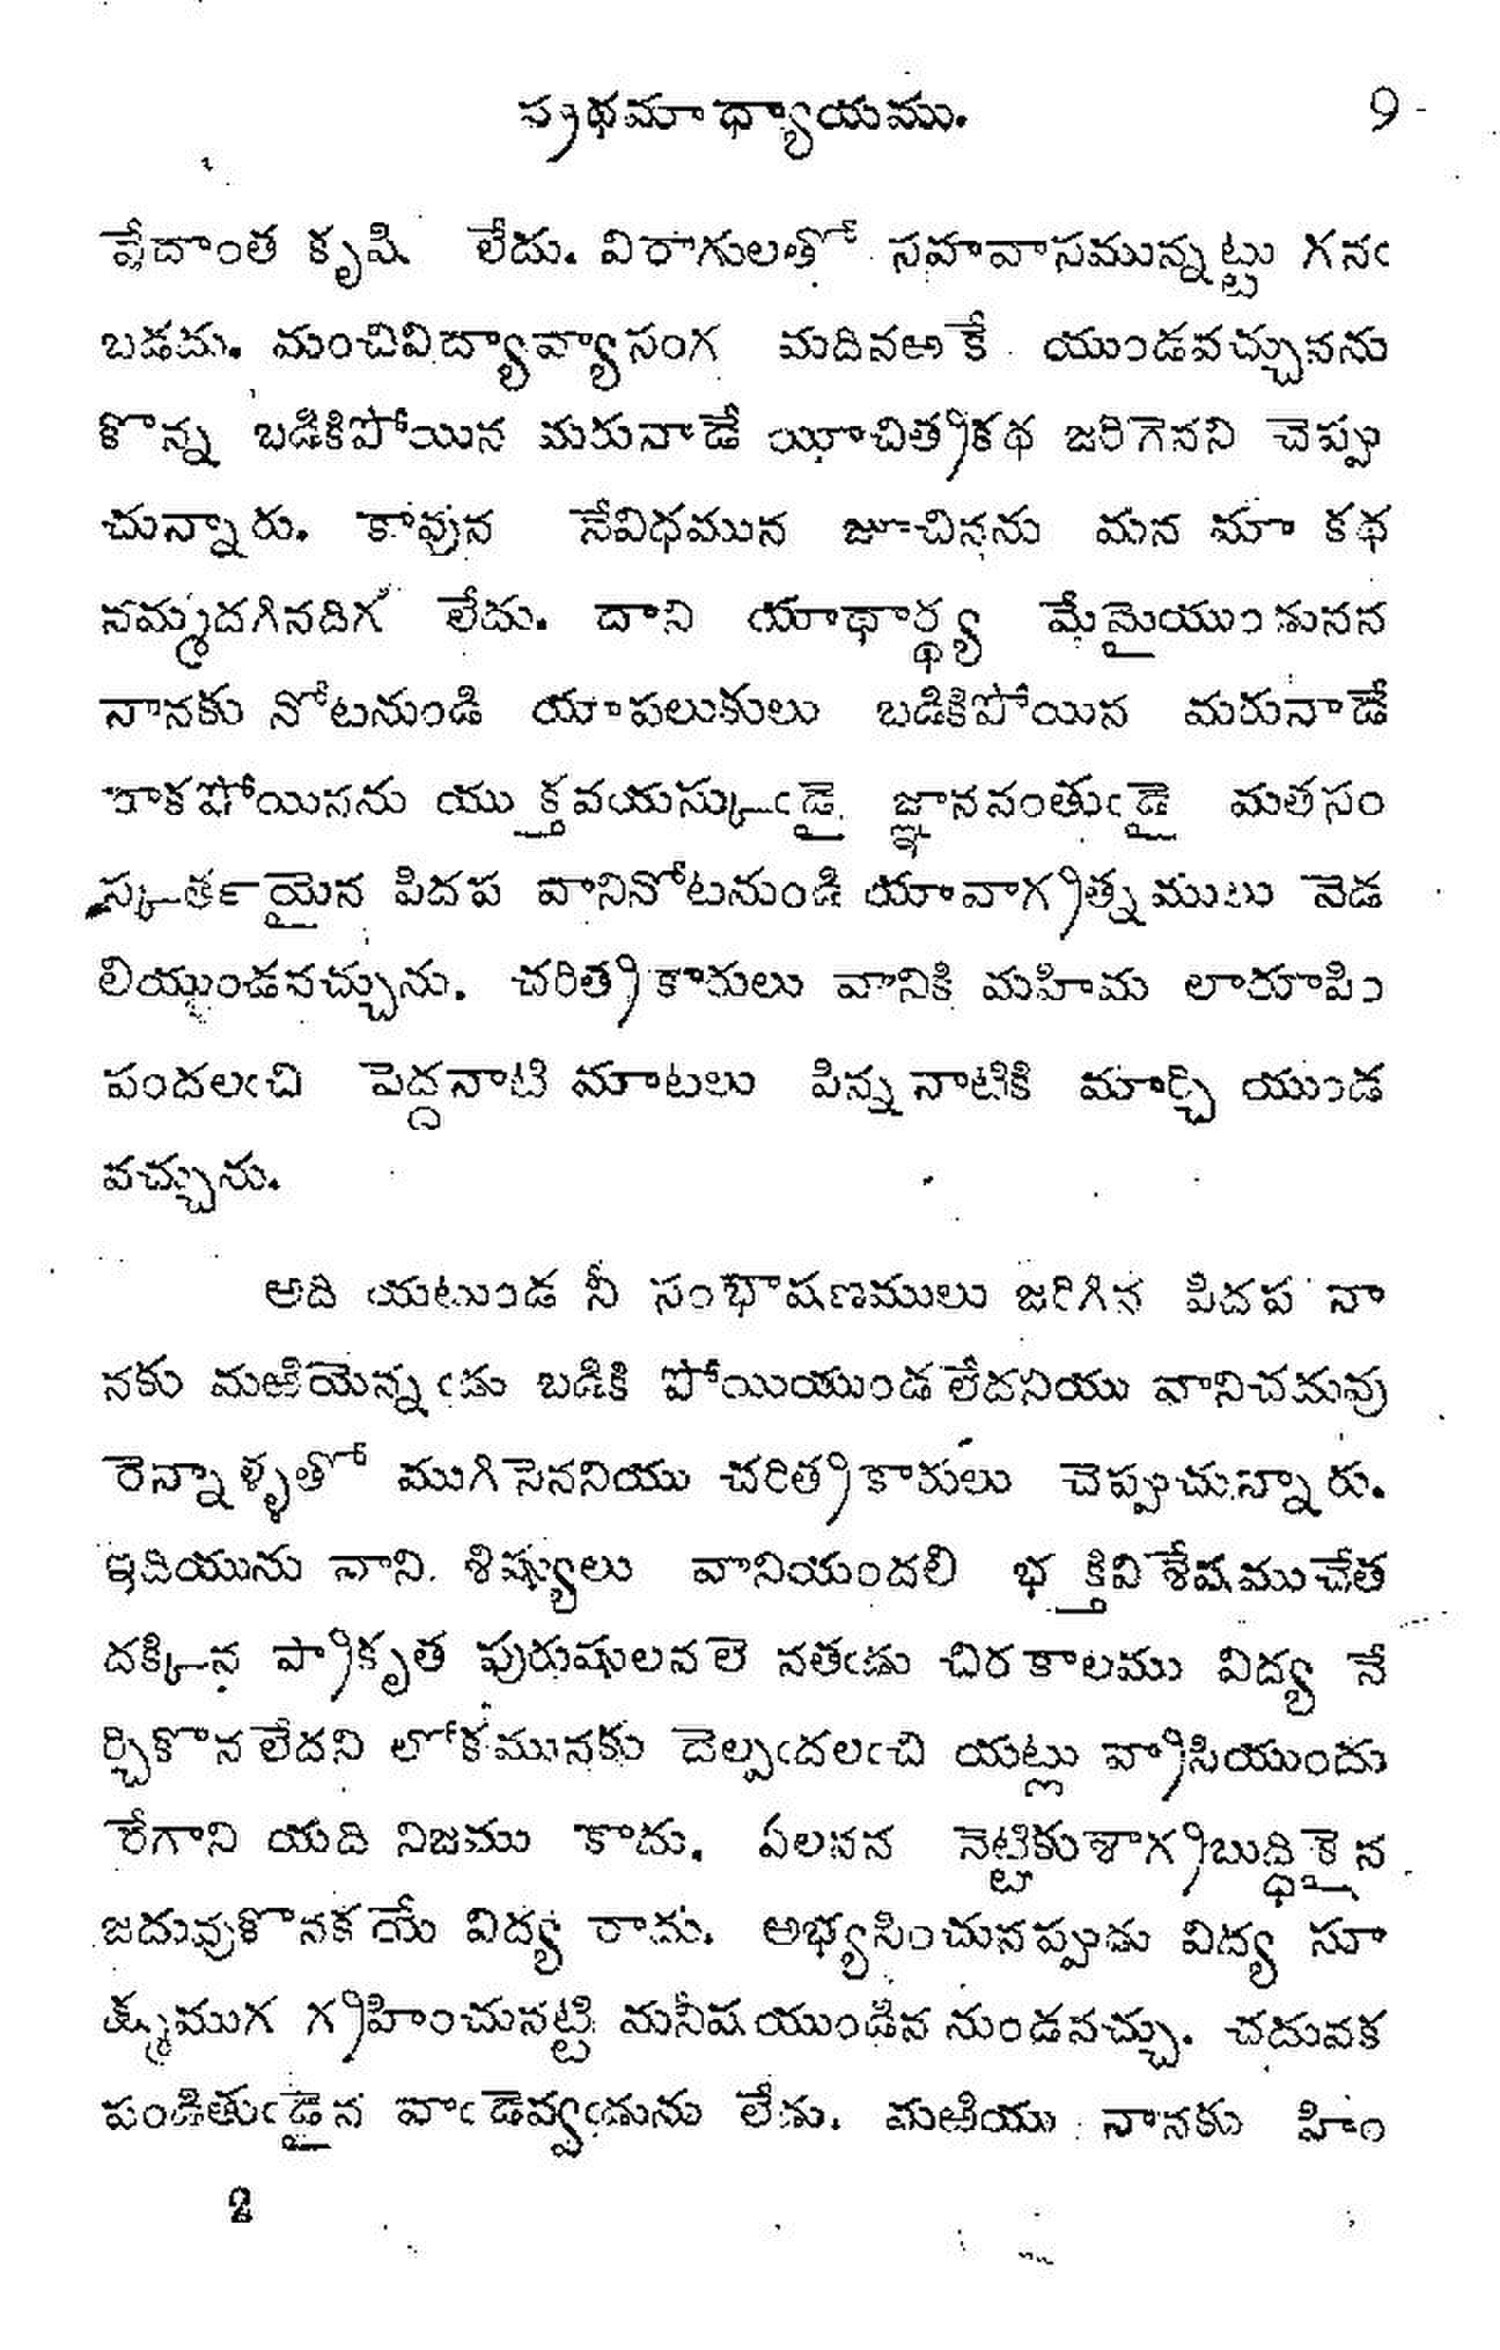వేదాంత కృషి లేదు. విరాగులతో సహవాసమున్నట్లు గనబడదు. మంచివిద్యావ్యాసంగ మదివఱకే యుండవచ్చుననుకొన్న బడికిపోయిన మరునాడే యీచిత్రకథ జరిగెనని చెప్పుచున్నారు. కావున నేవిధమున జూచినను మన మా కథ నమ్మదగినదిగ లేదు. దాని యాథార్థ్య మేమైయుండునన నానకు నోటనుండి యాపలుకులు బడికిపోయిన మరునాడే రాకపోయినను యుక్తవయస్కుడై జ్ఞానవంతుడై మతసంస్కర్తయైన పిదప వానినోటనుండి యావాగ్రత్నములు వెడలియుండవచ్చును. చరిత్రకారులు వానికి మహిమ లారూపింపందలచి పెద్దనాటి మాటలు పిన్ననాటికి మార్చి యుండవచ్చును.

అది యటుండ నీ సంభాషణములు జరిగిన పిదప నానకు మఱియెన్నడు బడికి పోయియుండలేదనియు వానిచదువు రెన్నాళ్ళతో ముగిసెననియు చరిత్రకారులు చెప్పుచున్నారు. ఇదియును వాని శిష్యులు వానియందలి భక్తివిశేషముచేత దక్కిన ప్రాకృత పురుషులవలె నతడు చిరకాలము విద్య నేర్చికొనలేదని లోకమునకు దెల్పదలచి యట్లు వ్రాసియుందురేగాని యది నిజము కాదు. ఏలనన నెట్టికుశాగ్రబుద్ధికైన జదువుకొనకయే విద్య రాదు. అభ్యసించునప్పుడు విద్య సూక్ష్మముగ గ్రహించునట్టి మనీష యుండిన నుండవచ్చు. చదువక పండితుడైన వాడెవ్వడును లేడు. మఱియు నానకు హిం